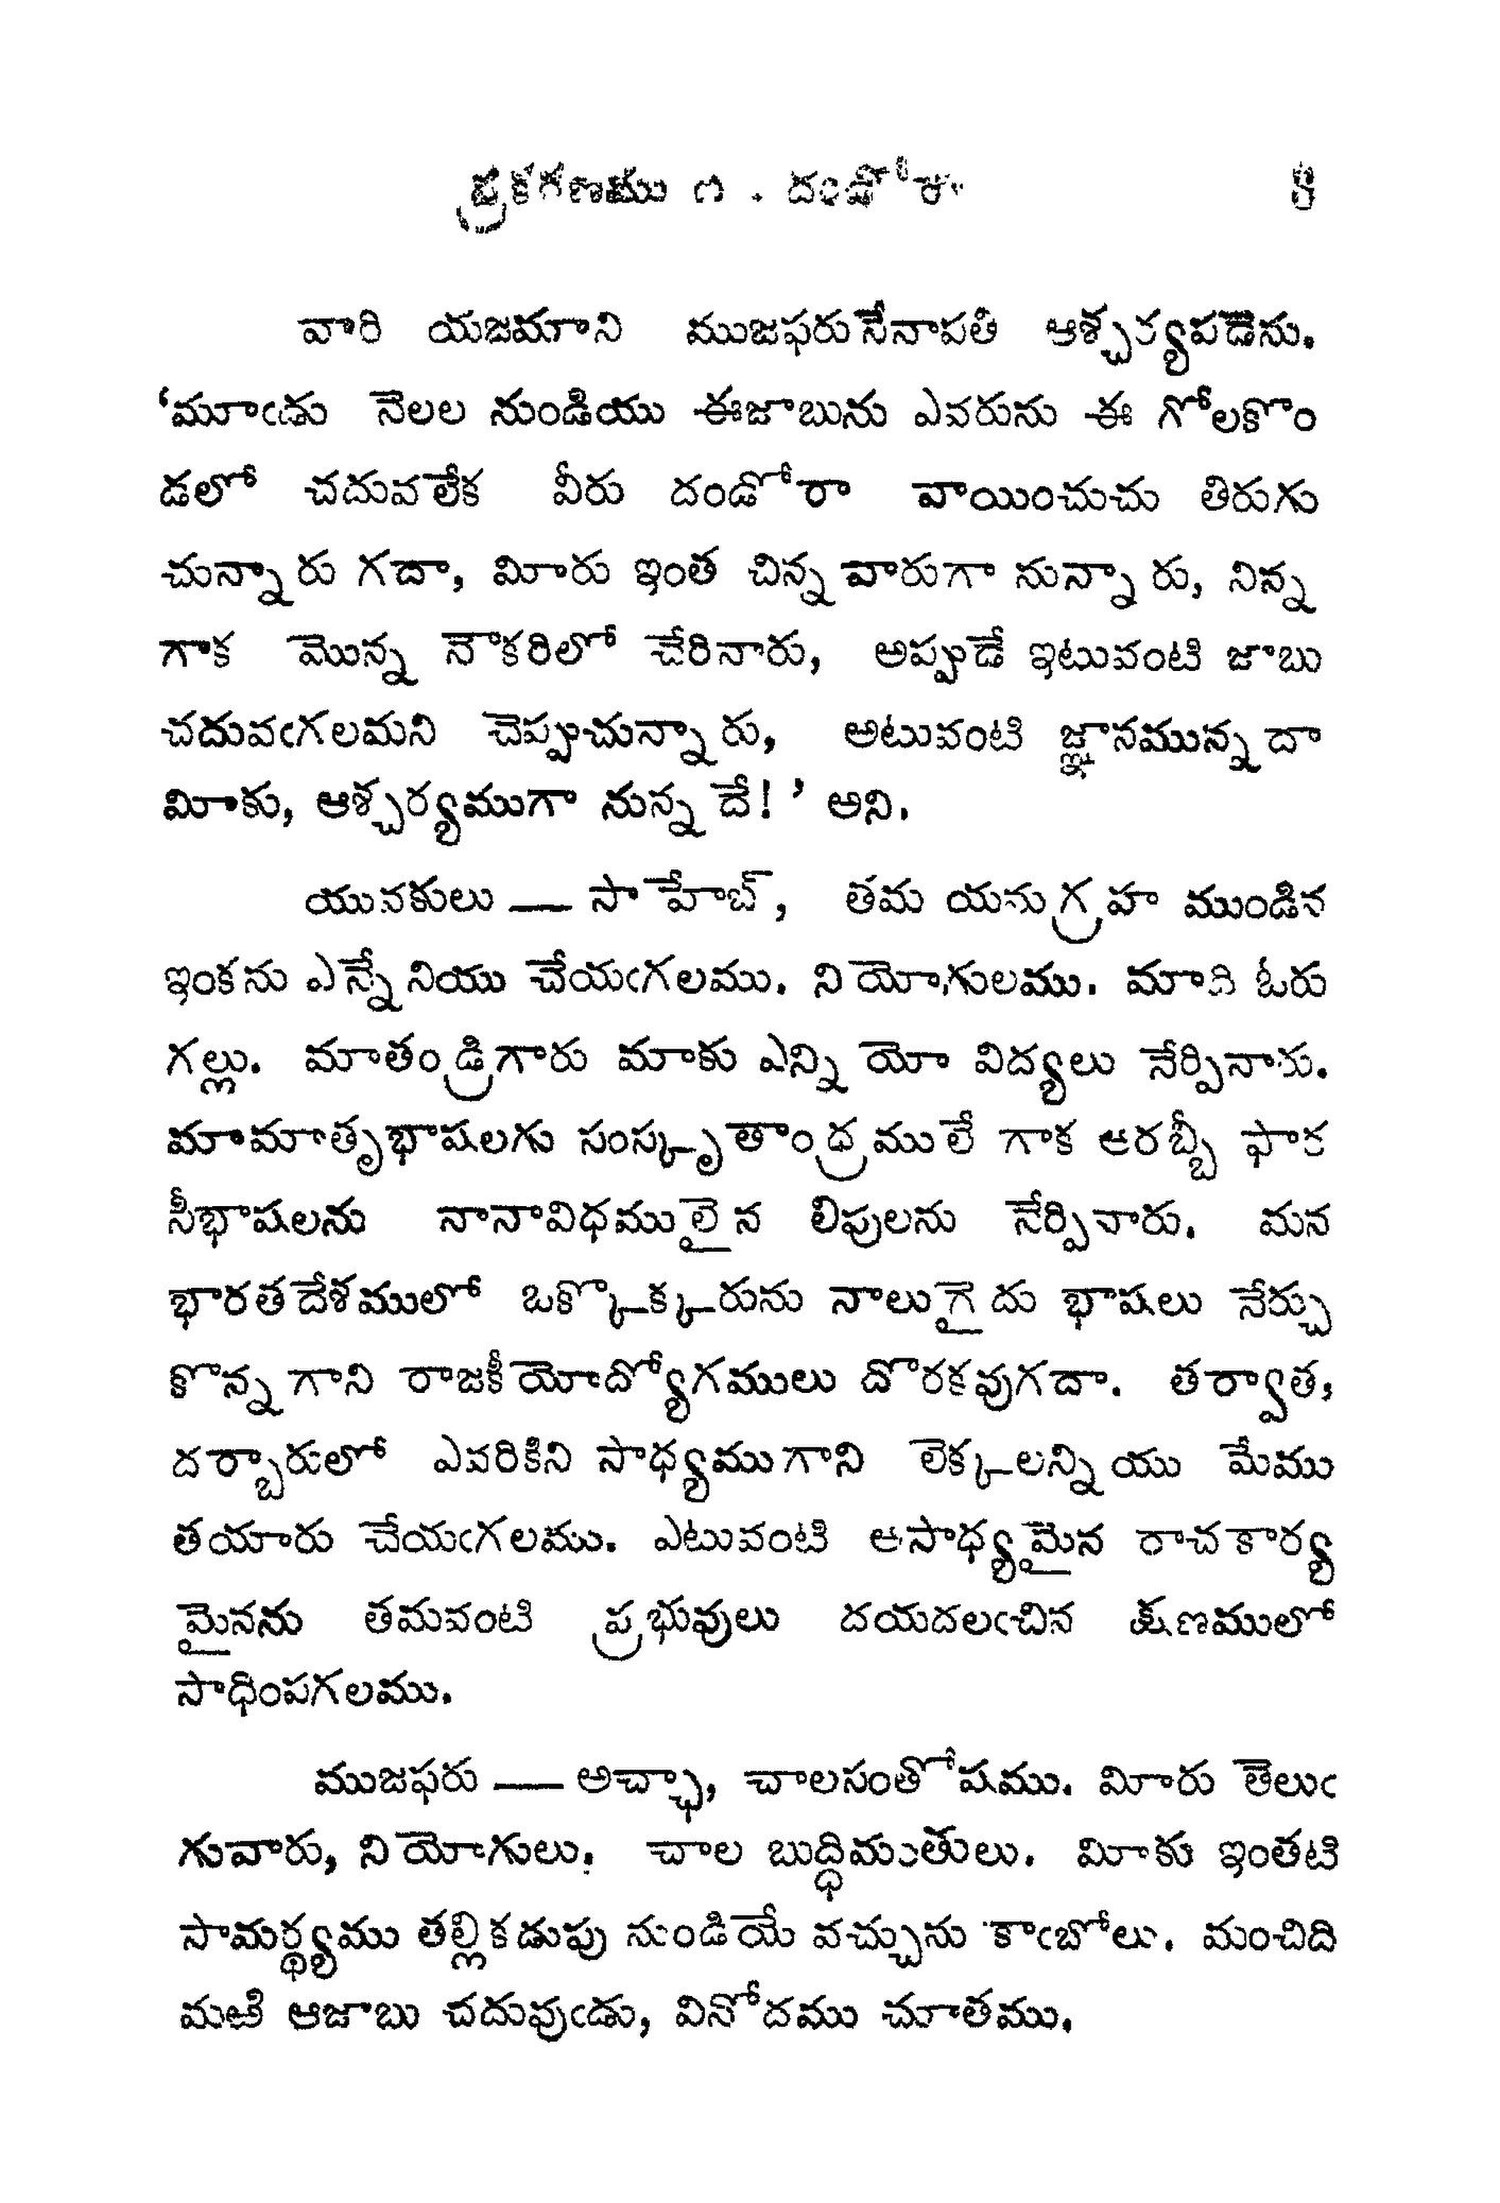వారి యజమాని ముజఫరుసేనాపతి ఆశ్చర్యపడెను. ‘మూఁడు నెలల నుండియు ఈజాబును ఎవరును ఈ గోలకొండలో చదువలేక వీరు దండోరా వాయించుచు తిరుగుచున్నారు గదా, మీరు ఇంత చిన్నవారుగా నున్నారు, నిన్న గాక మొన్న నౌకరిలో చేరినారు, అప్పడే ఇటువంటి జాబు చదువఁగలమని చెప్పచున్నారు, అటువంటి జ్ఞానమున్నదా మీకు, ఆశ్చర్యముగా నున్నదే!’ అని.

యువకులు ― సాహేబ్, తమ యనుగ్రహ ముండిన ఇంకను ఎన్నేనియు చేయఁగలము. నియోగులము. మాది ఓరుగల్లు. మాతండ్రిగారు మాకు ఎన్నియో విద్యలు నేర్పినారు. మామాతృభాషలగు సంస్కృతాంధ్రములే గాక అరబ్బీ ఫారసీభాషలను నానావిధములైన లిపులను నేర్పినారు. మన భారతదేశములో ఒక్కొక్కరును నాలుగైదు భాషలు నేర్చుకొన్నగాని రాజకీయోద్యోగములు దొరకవుగదా. తర్వాత, దర్బారులో ఎవరికిని సాధ్యముగాని లెక్కలన్నియు మేము తయారు చేయఁగలము. ఎటువంటి అసాధ్యమైన రాచకార్యమైనను తమవంటి ప్రభువులు దయదలఁచిన క్షణములో సాధింపగలము.

ముజఫరు ― అచ్ఛా, చాలసంతోషము. మీరు తెలుఁగువారు, నియోగులు. చాల బుద్ధిమంతులు. విూకు ఇంతటి సామర్థ్యము తల్లికడుపు నుండియే వచ్చును కాఁబోలు. మంచిది మఱి ఆజాబు చదువుఁడు, వినోదము చూతము.